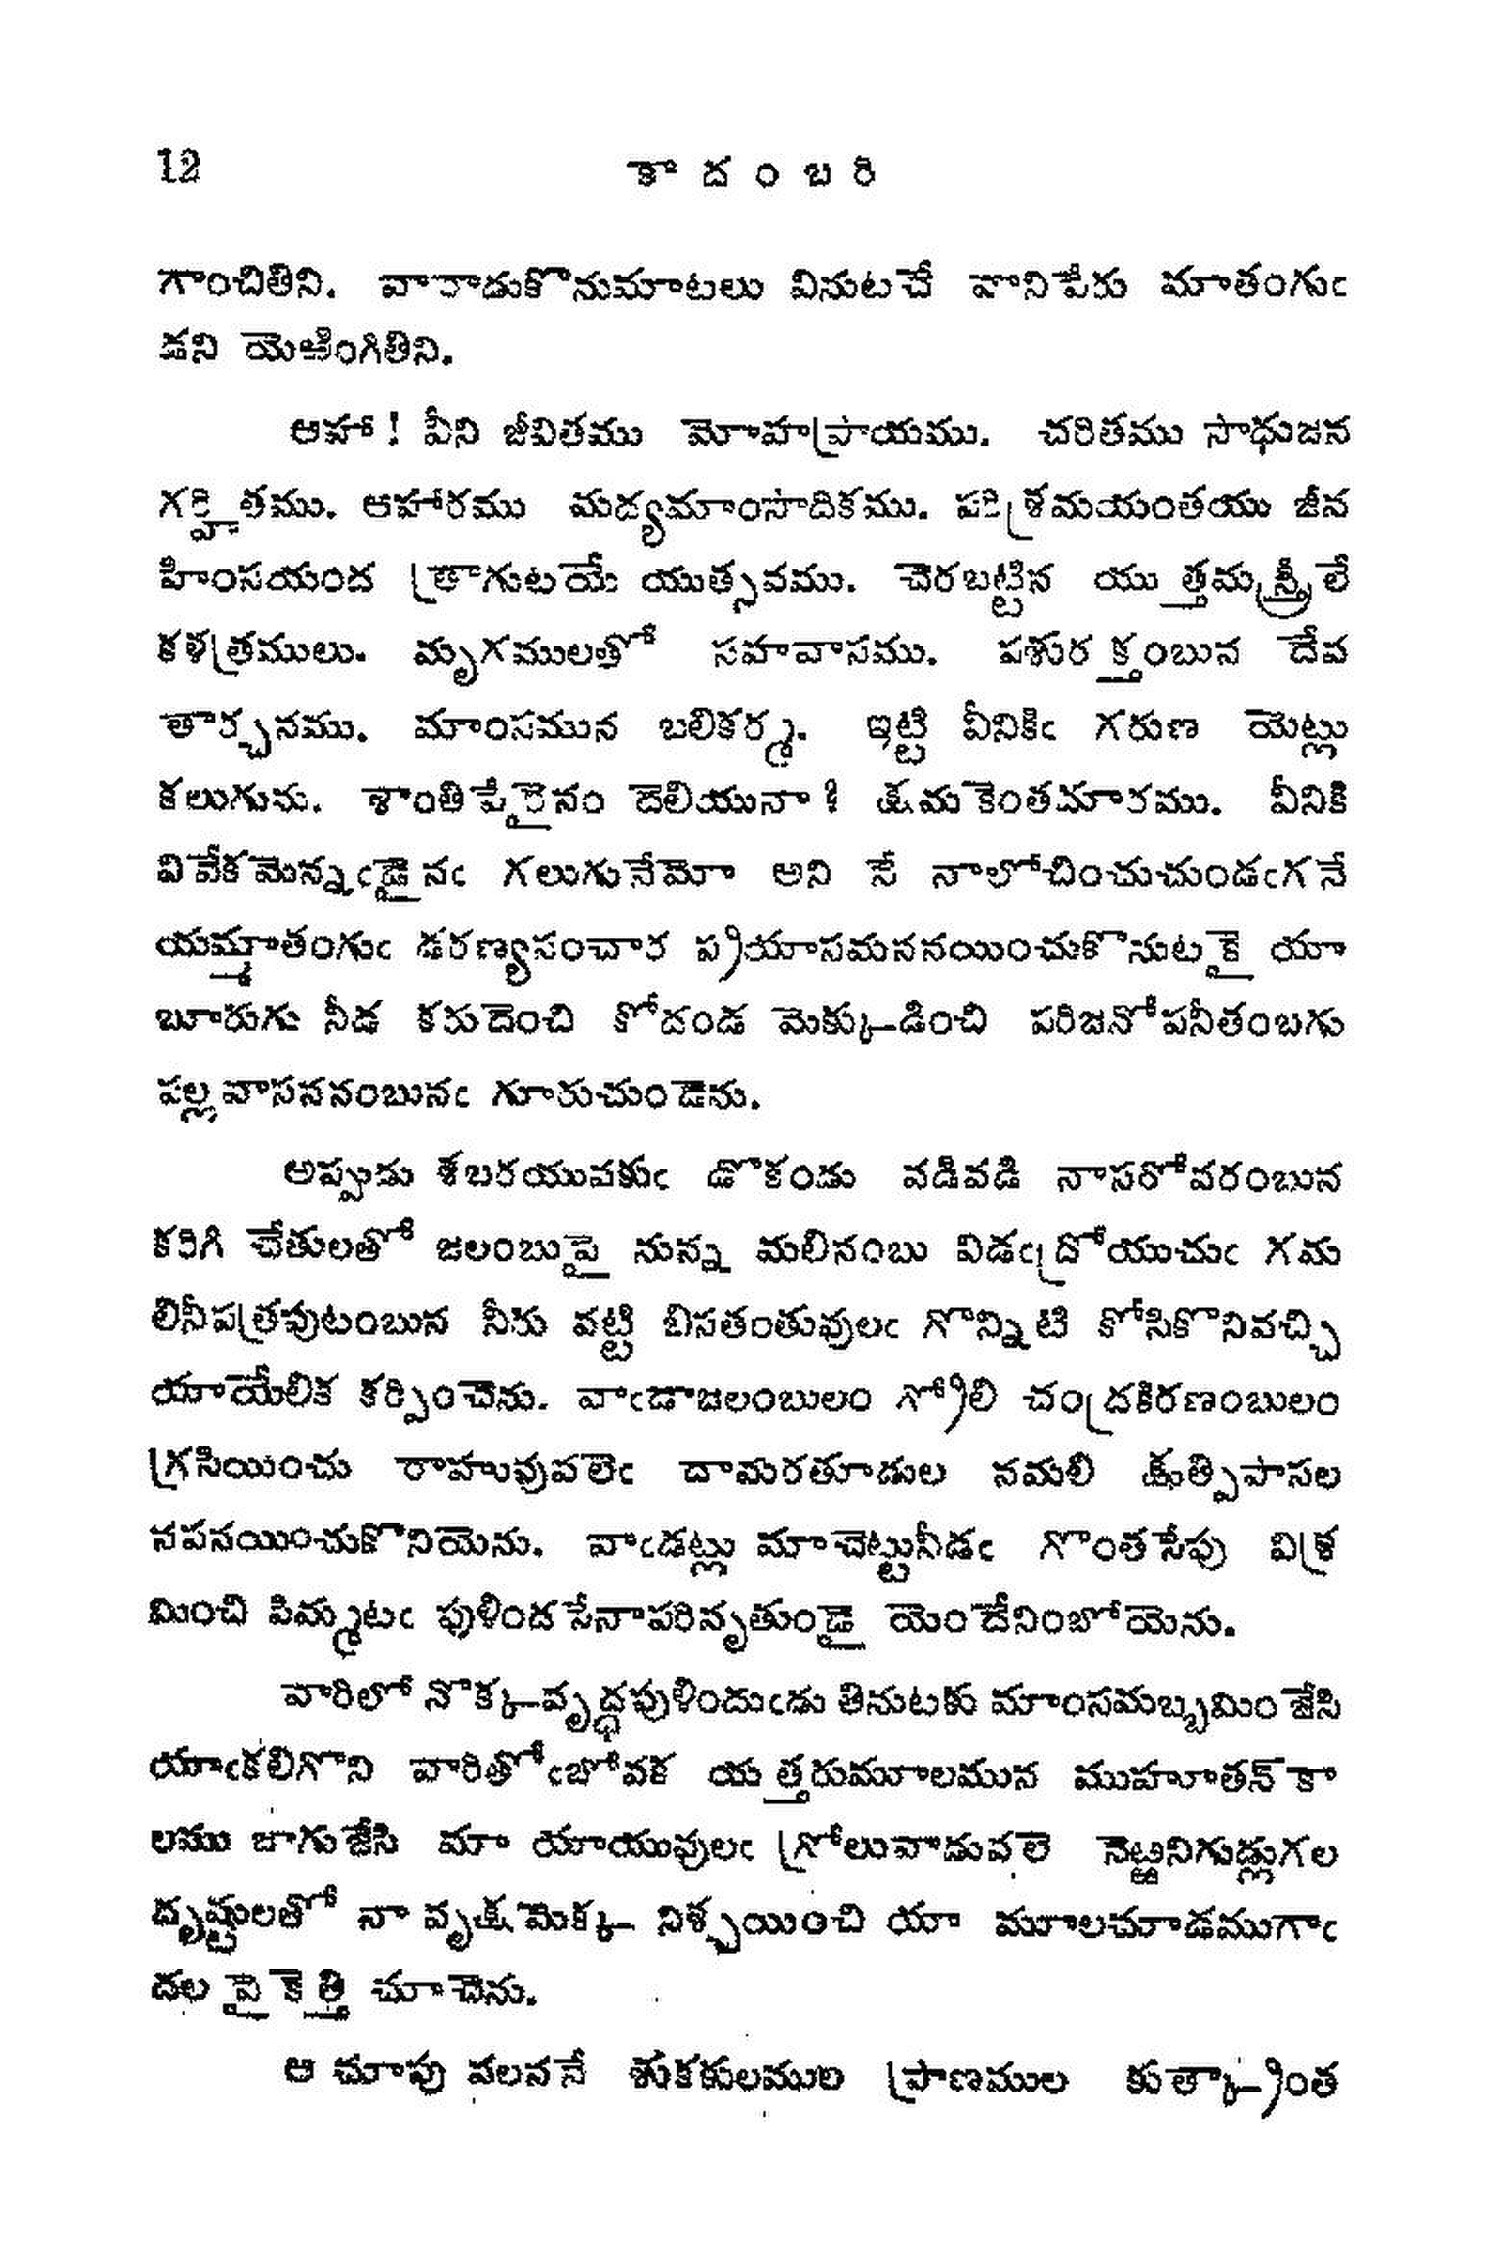గాంచితిని. వారాడుకొనుమాటలు వినుటచే వానిపేరు మాతంగుఁడని యెఱింగితిని.

ఆహా! వీని జీవితము మోహప్రాయము. చరితము సాధుజన గర్హితము. ఆహారము మద్యమాంసాదికము. పరిశ్రమయంతయు జీవ హింసయంద త్రాగుటయే యుత్సవము. చెరబట్టిన యుత్తమస్త్రీలే కళత్రములు. మృగములతో సహవాసము. పశురక్తంబున దేవతార్చనము. మాంసమున బలికర్మ ఇట్టి వీనికిఁ గరుణ యెట్లు కలుగును. శాంతిపేరైనం దెలియునా? క్షమకెంతదూరము. వీనికి వివేకమెన్నఁడైనఁ గలుగునేమో అని నే నాలోచించుచుండఁగనే యమ్మాతంగుఁ డరణ్యసంచార ప్రయాసమననయించుకొనటకై యా బూరుగు నీడ కరుదెంచి కోదండ మెక్కుడించి పరిజనోపనీతంబగు పల్ల వాసననంబునఁ గూరుచుండెను.

అప్పుడు శబరయువకుఁ డొకండు వడివడి నాసరోవరంబున కరిగి చేతులతో జలంబుపై నున్న మలినంబు విడఁద్రోయుచుఁ గమలినీపత్రపుటంబున నీరు వట్టి బిసతంతువులఁ గొన్నిటి కోసికొనివచ్చి యాయేలిక కర్పించెను. వాఁడాజలంబులం గ్రోలి చంద్రకిరణంబులం గ్రసియించు రాహువువలెఁ దామరతూడుల నమలి క్షుత్పిపాసల నపనయించుకొనియెను. వాఁడట్లు మాచెట్టునీడఁ గొంతసేపు విశ్రమించి పిమ్మటఁ పుళిందసేనాపరినృతుండై యెందేనింబోయెను.

వారిలో నొక్కవృద్దపుళిందుఁడు తినుటకు మాంసమబ్బమింజేసి యాఁకలిగొని వారితోఁబోవక యత్తరుమూలమున ముహూతన్‌ కాలము జాగుజేసి మా యాయువులఁ గ్రోలువాడువలె నెఱ్ఱనిగుడ్లుగల దృష్టులతో నావృక్షమెక్క నిశ్చయించి యా మూలచూడముగాఁ దల పైకెత్తి చూచెను.

ఆ చూపు వలననే శుకకులముల ప్రాణములు కుత్క్రాంత